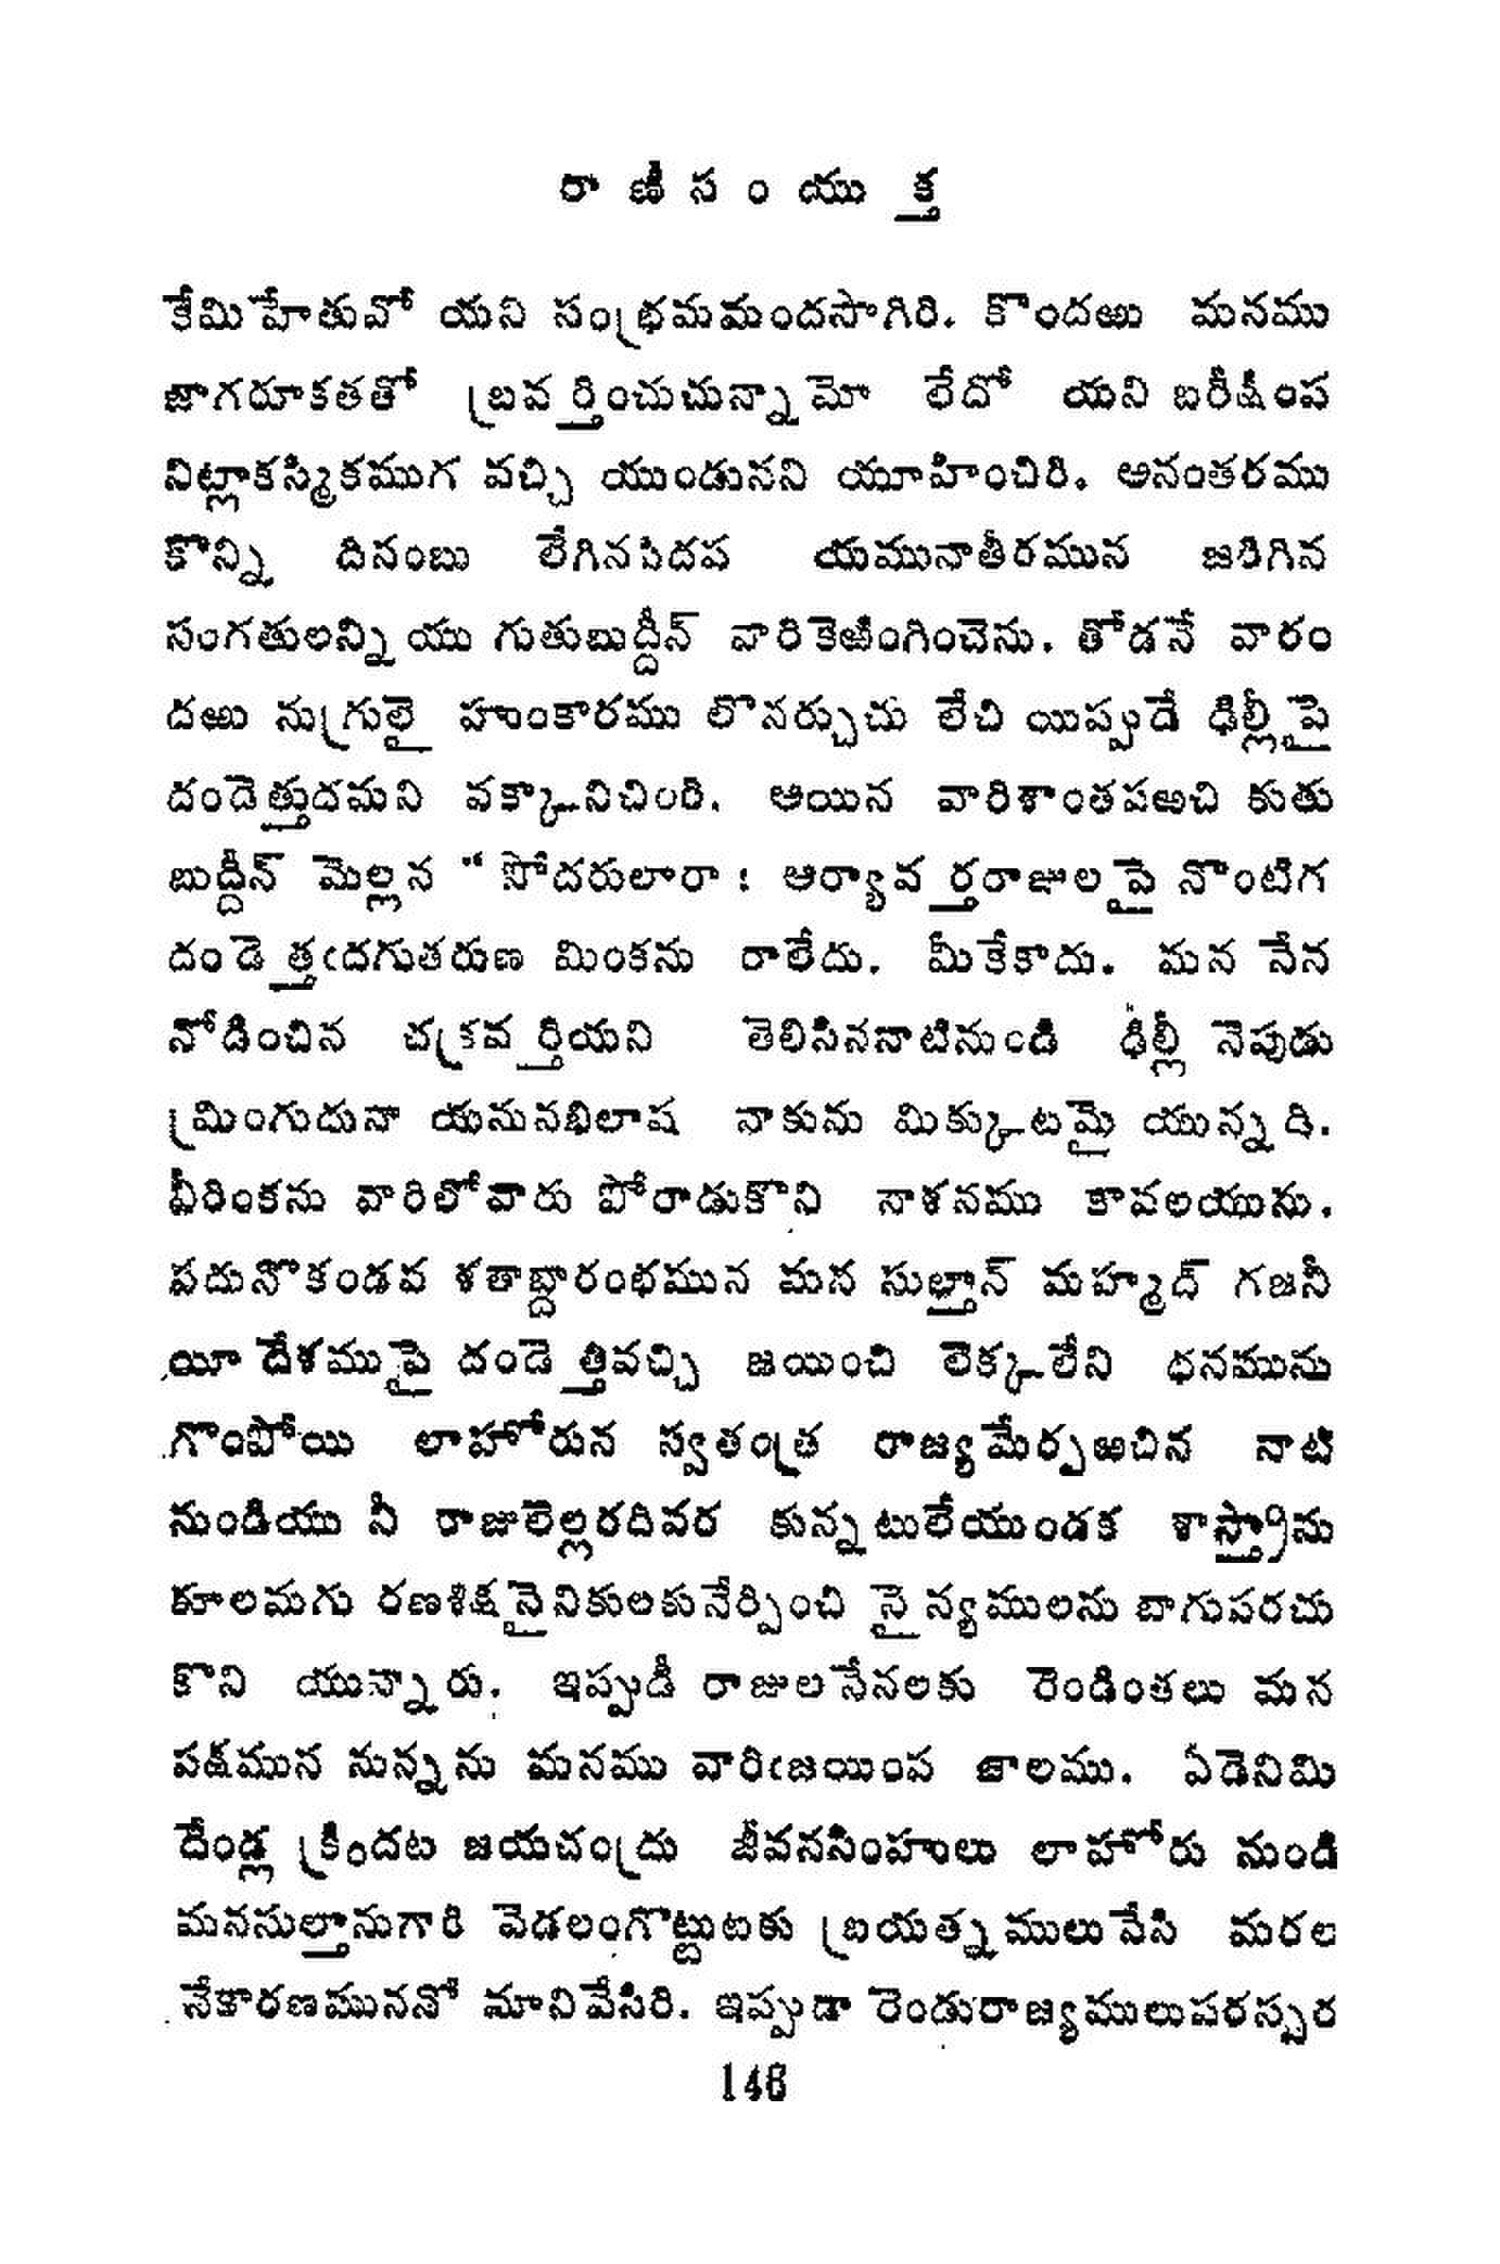కేమిహేతువో యని సంభ్రమమందసాగిరి. కొందఱు మనము జాగరూకతతో బ్రవర్తించుచున్నామో లేదో యని బరీక్షింప నిట్లాకస్మికముగ వచ్చి యుండునని యూహించిరి. అనంతరము కొన్ని దినంబు లేగినపిదప యమునాతీరమున జరిగిన సంగతులన్ని యు గుతుబుద్దీన్ వారి కెఱింగించెను. తోడనే వారందఱు నుగ్రులై హుంకారము లొనర్చుచు లేచి యిప్పుడే ఢిల్లీ పై దండెత్తుదమని వక్కాణించిరి. అయిన వారిశాంతపఱచి కుతుబుద్దీన్ మెల్లన " సోదరులారా : ఆర్యావర్తరాజులపై నొంటిగ దండెత్తఁదగుతరుణ మింకను రాలేదు. మీకేకాదు. మన సేన నోడించిన చక్రవర్తియని తెలిసిననాటినుండి ఢిల్లీ నెపుడు మ్రింగుదునా యనునభిలాష నాకును మిక్కుటమై యున్నది. వీరింకను వారిలోవారు పోరాడుకొని నాశనము కావలయును . పదునొకండవ శతాబ్దారంభమున మన సుల్తాన్ మహ్మద్ గజనీ యీ దేశముపై దండెత్తివచ్చి జయించి లెక్కలేని ధనమును గొంపోయి లాహోరున స్వతంత్ర రాజ్యమేర్పఱచిన నాటినుండియు నీ రాజులెల్లరదివర కున్నటులేయుండక శాస్త్రాను కూలమగు రణశిక్ష సైనికులకు నేర్పించి సైన్యములను బాగుపరచుకొని యున్నారు. ఇప్పుడీ రాజులసేనలకు రెండింతలు మన పక్షమున నున్నను మనము వారిఁజయింప జాలము. ఏడెనిమిదేండ్ల క్రిందట జయచంద్రు జీవనసింహులు లాహోరు నుండి మనసుల్తానుగారి వెడలంగొట్టుటకు బ్రయత్నములుసేసి మరల నేకారణముననో మానివేసిరి. ఇప్పుడా రెండు రాజ్యములుపరస్పర